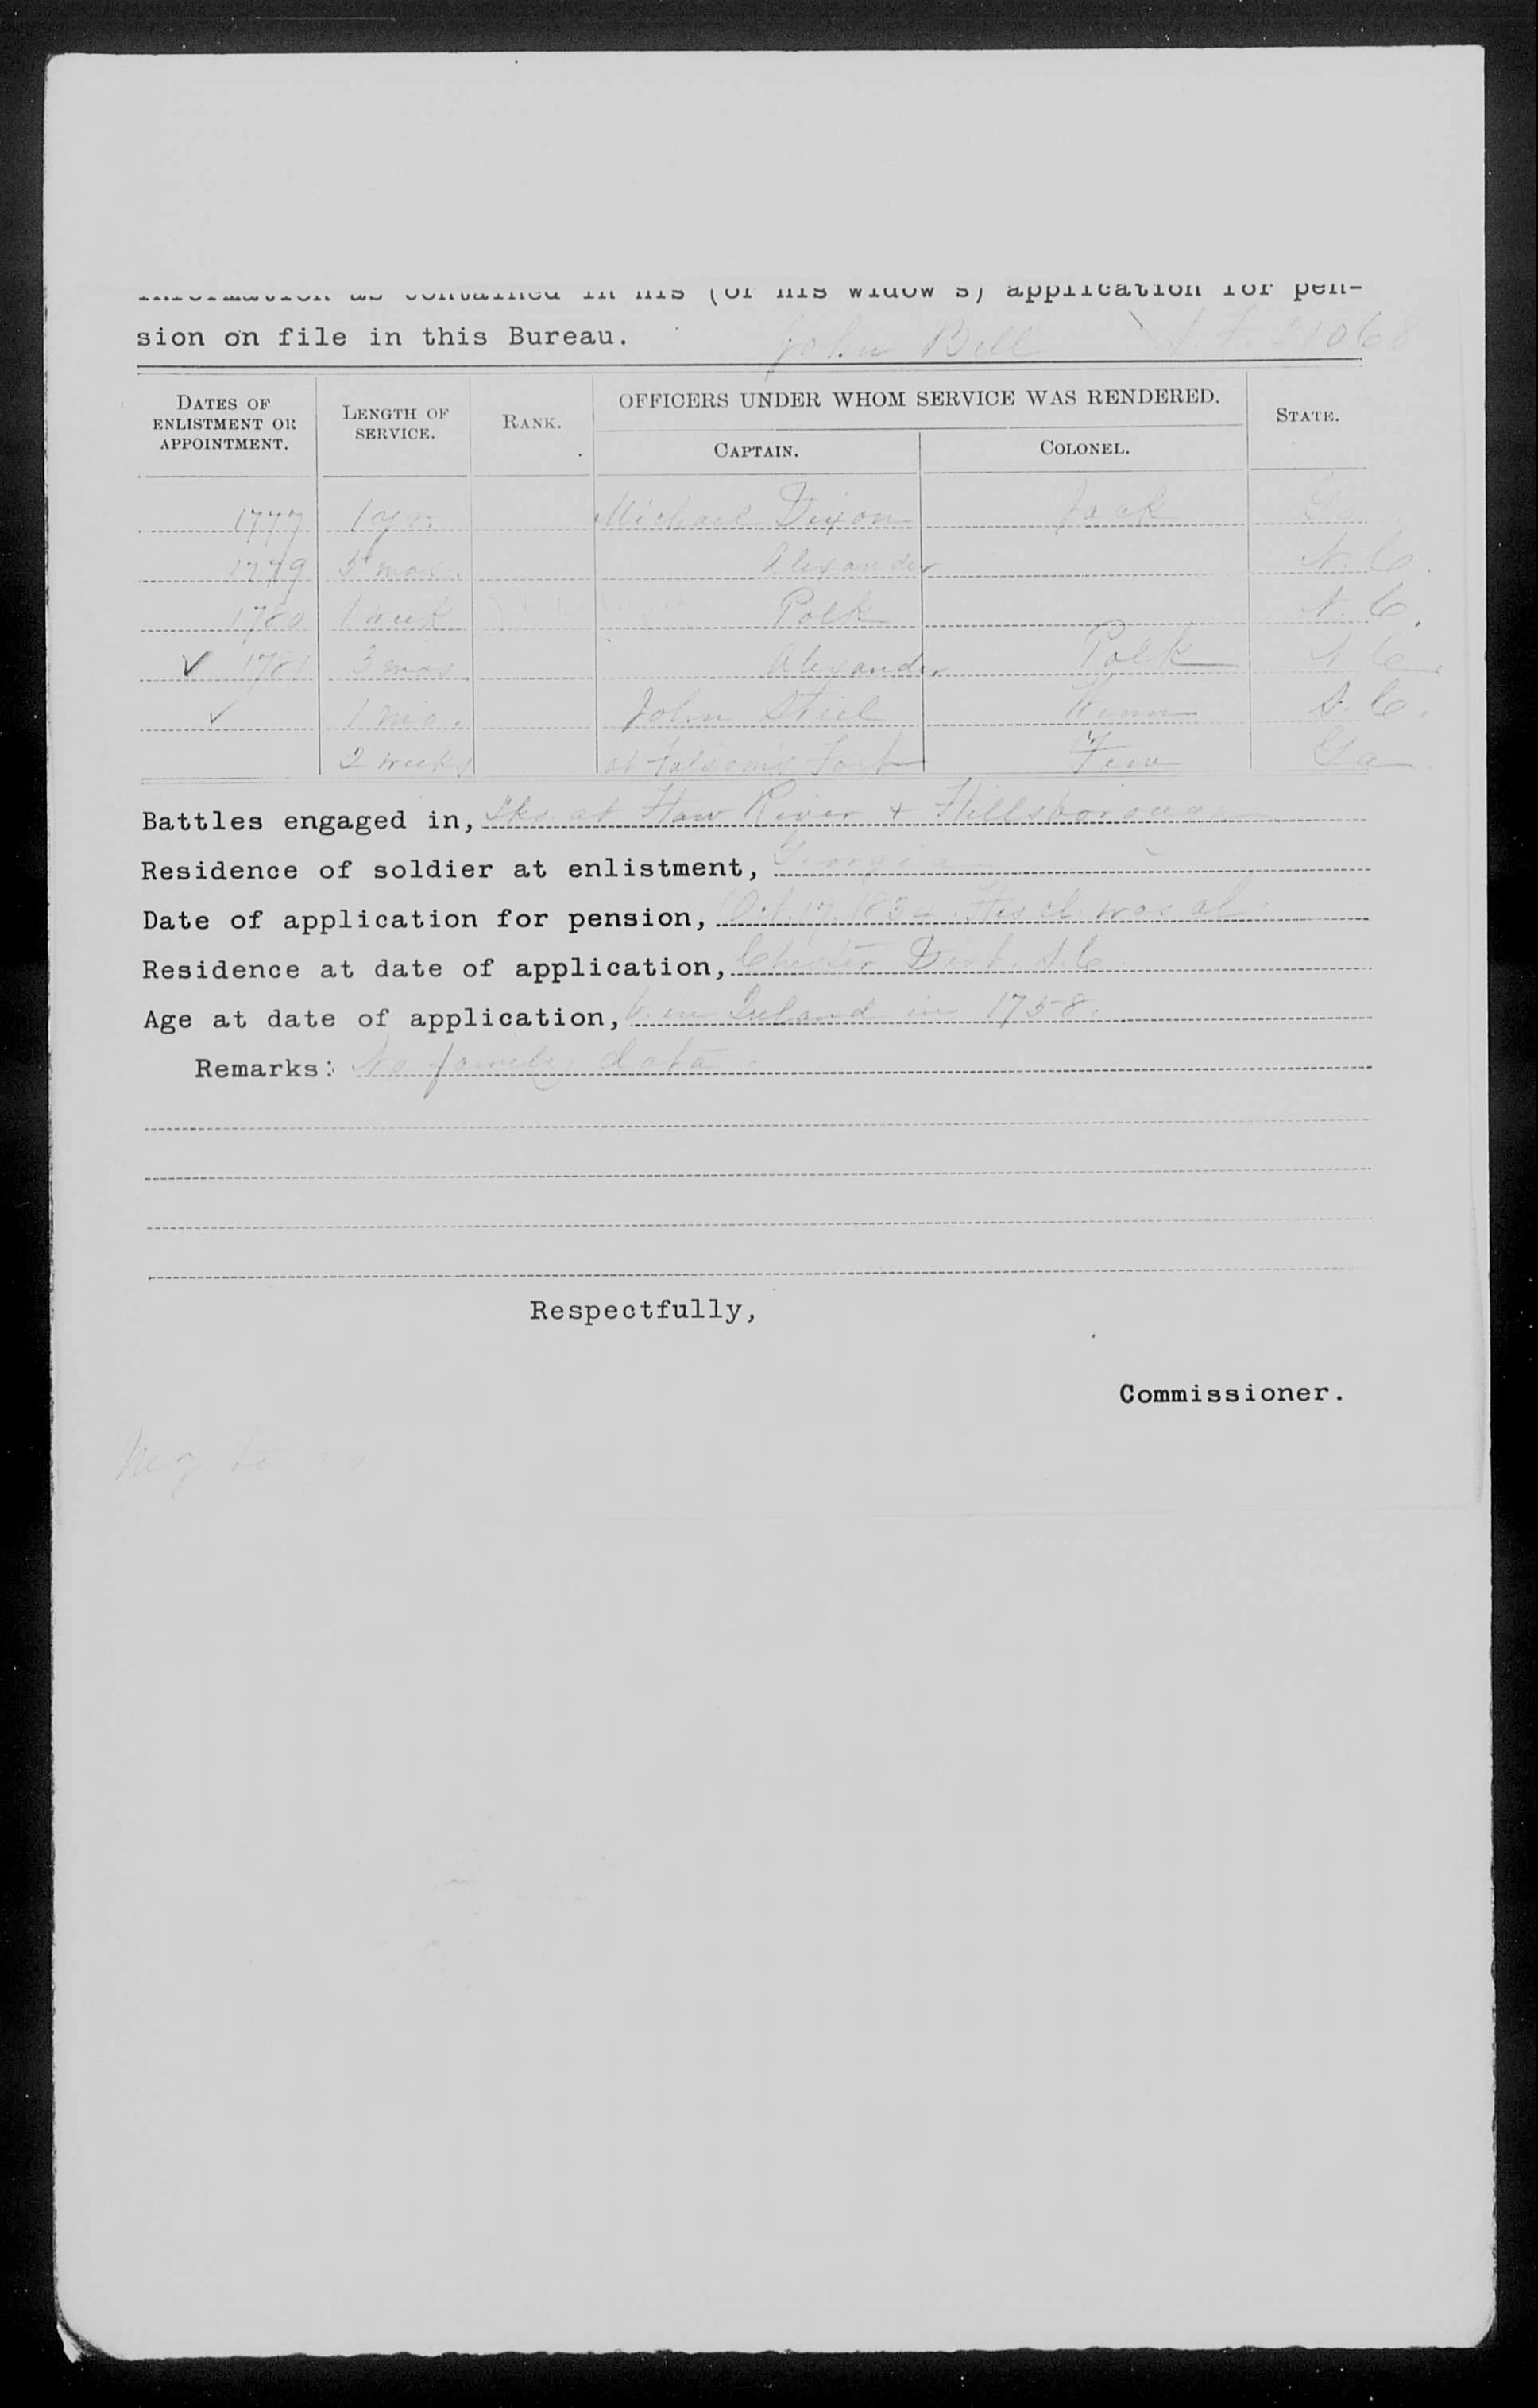[Top lines cut off]
sion on file in this Bureau. John Bell S. 21068
DATES OF ENLISTMENT OR APPOINTMENT.
1777
1779
1780
1781
1781
LENGTH OF SERVICE.
1 year
5 mos.
1 week
3 mos.
1 mo.
2 weeks
RANK.
[No entries]
OFFICERS UNDER WHOM SERVICE WAS RENDERED.
CAPTAIN.
Michael Dixon
Alexander
Polk
Alexander
John Steel at Fulsoms Fort
COLONEL.
Jack
Polk
Winn
Few
STATE.
Ga.
N.C.
N.C.
N.C.
S.C.
Ga.
Battles engaged in, Sks. at Haw River & Hillsborough
Residence of soldier at enlistment, Georgia
Date of application for pension, Oct. 17, 1834, His cl was al.
Residence at date of application, Chester Dist. S .C.
Age at date of application, b. in Ireland in 1758
Remarks: No family data
Respectfully,
Commissioner.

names: Polk, Polk, Winn, Alexander, Few, Alexander, John Bell, Jack, John Steel, Richard Dixon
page: 22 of 23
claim: survivor's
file: S. 21068, John Bell, Ga. N. C. S. C.